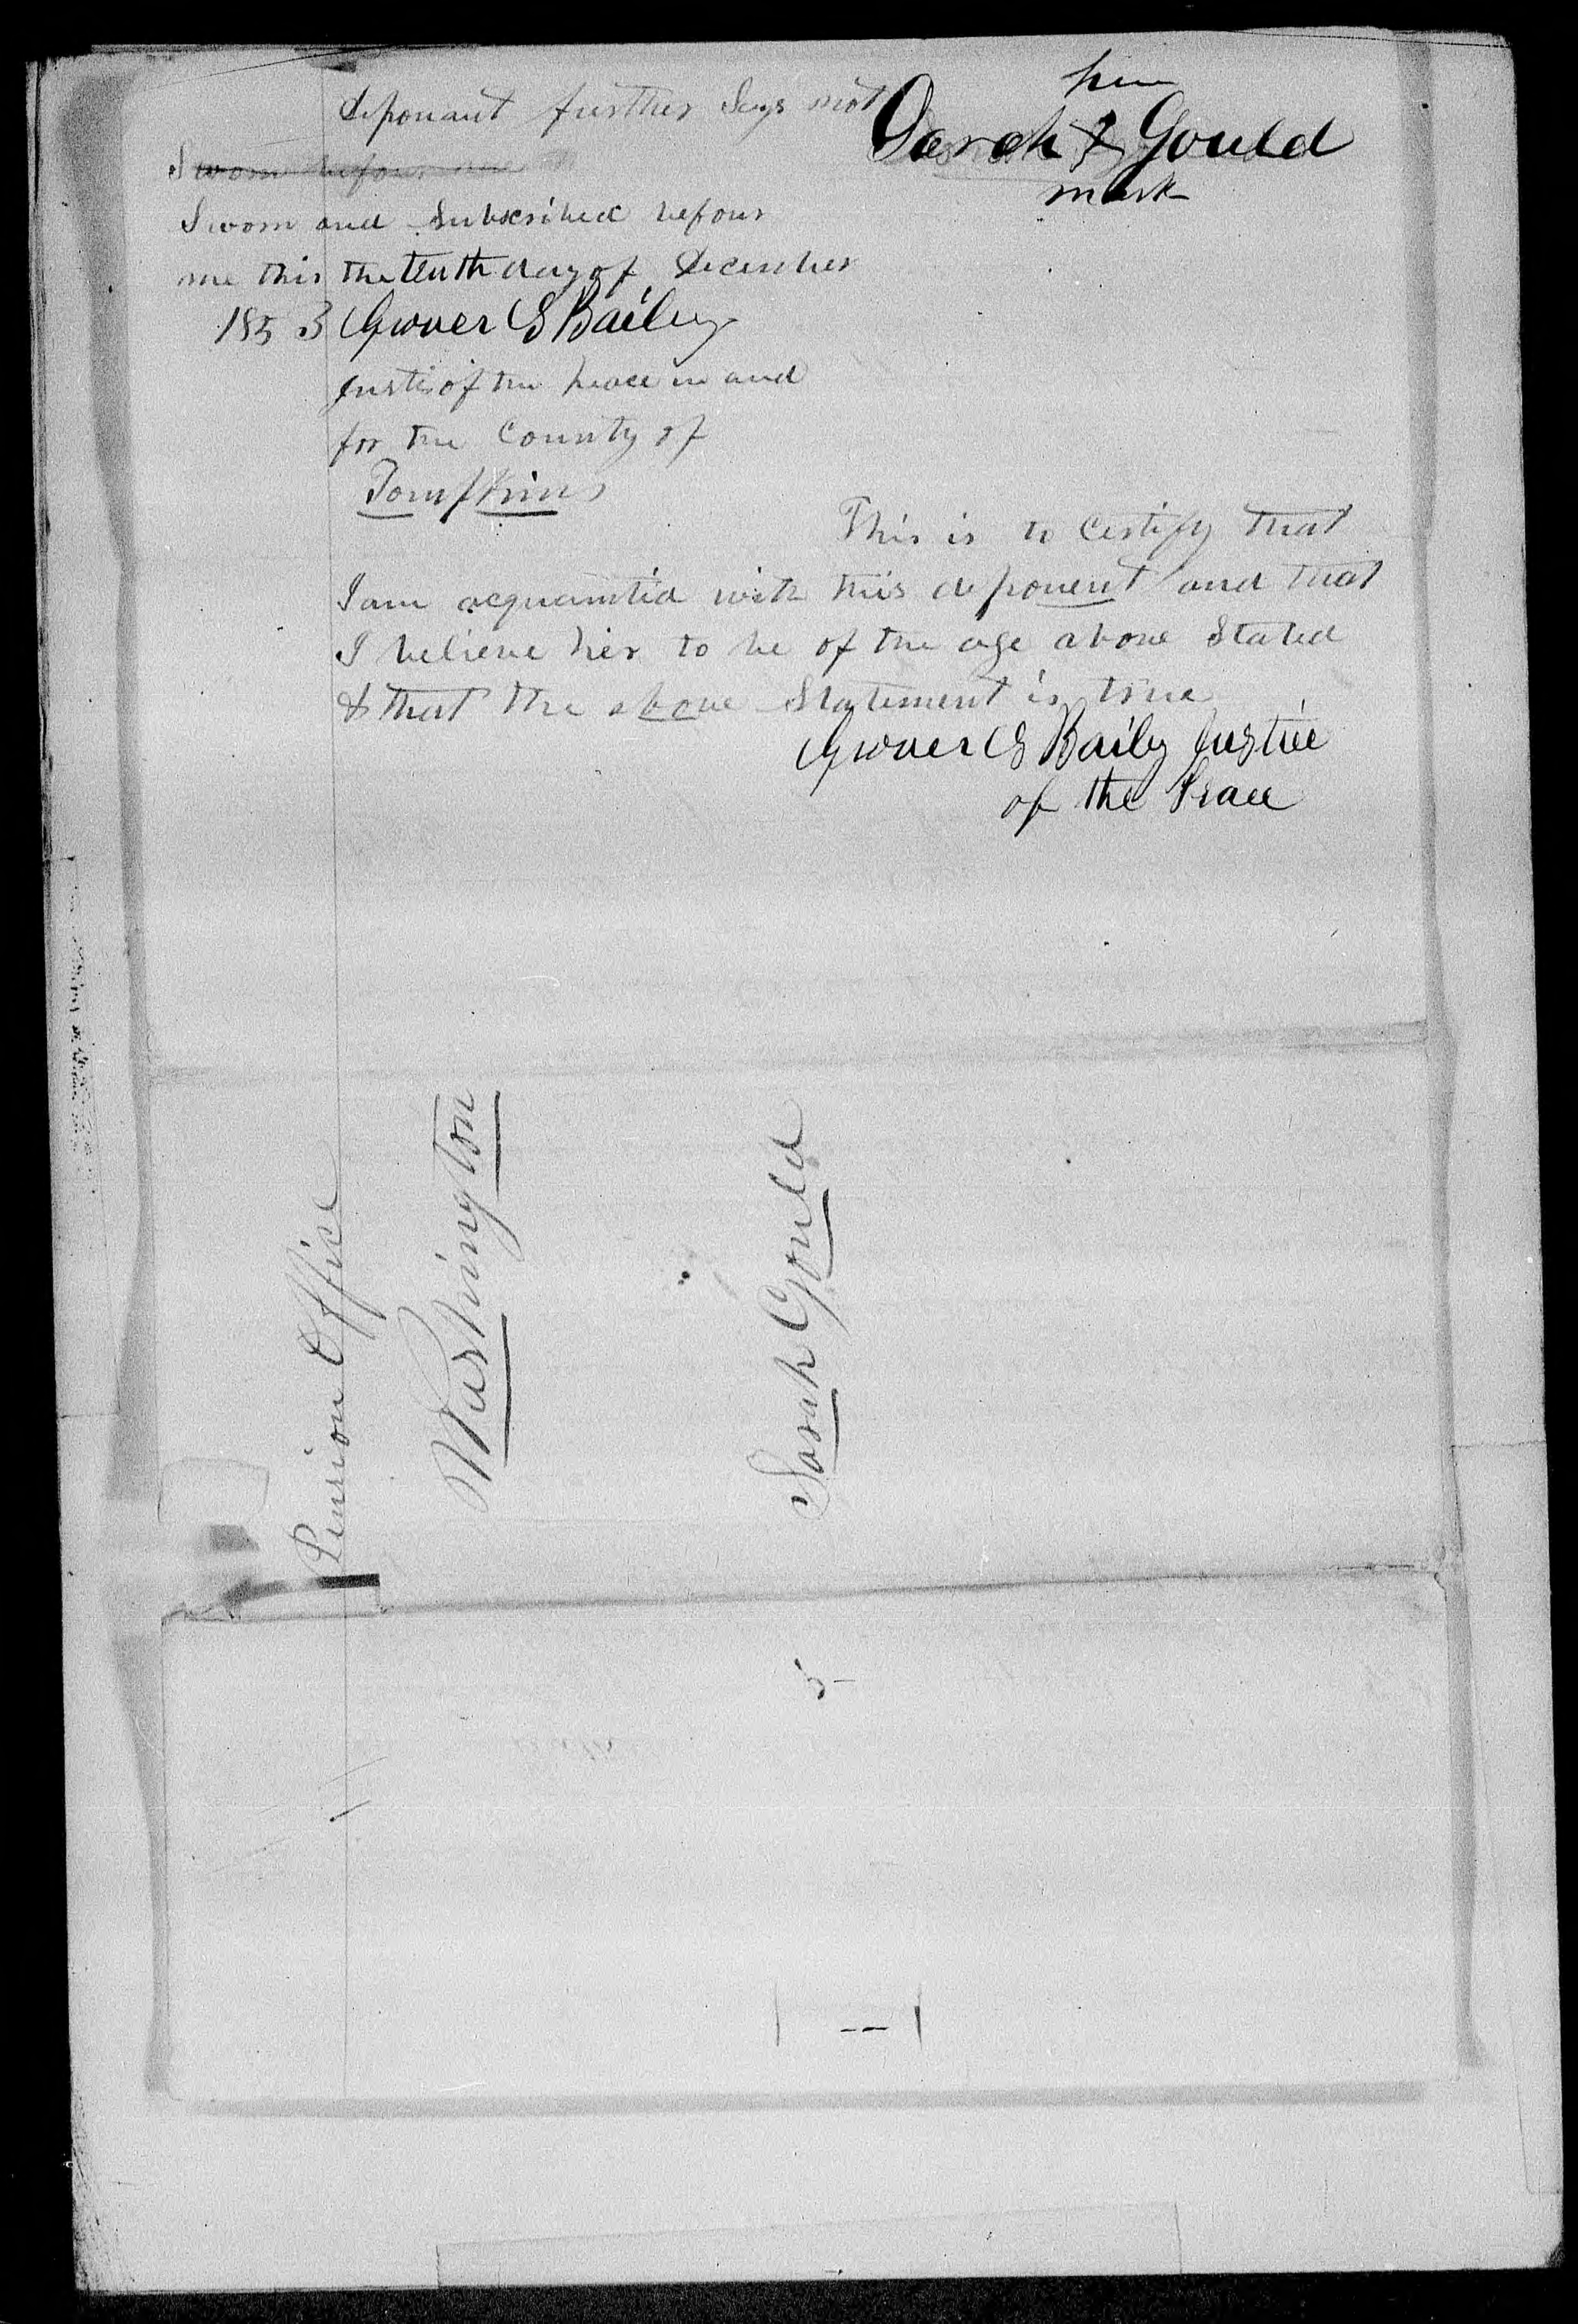depondant further says [illegible]

Sarah Gould [her mark]

Sworn and Subscribed before me this thirteenth day of December 1853 Grover S Bailey
Justice of the Peace in and for the County of Tompkins

This is to certify that I am acquainted with this deponent and that I believe her to be of the age above stated & that the above Statement is true

Grover S Bailey Justice of the Peace

[written perpendicular to the page]

Pension Office
Washington

Sarah Gould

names: Sarah Gould, Grover S Bailey, Sarah Gould, Grover S Bailey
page: 10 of 20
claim: rejected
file: R. 4,161, William Gould, New York